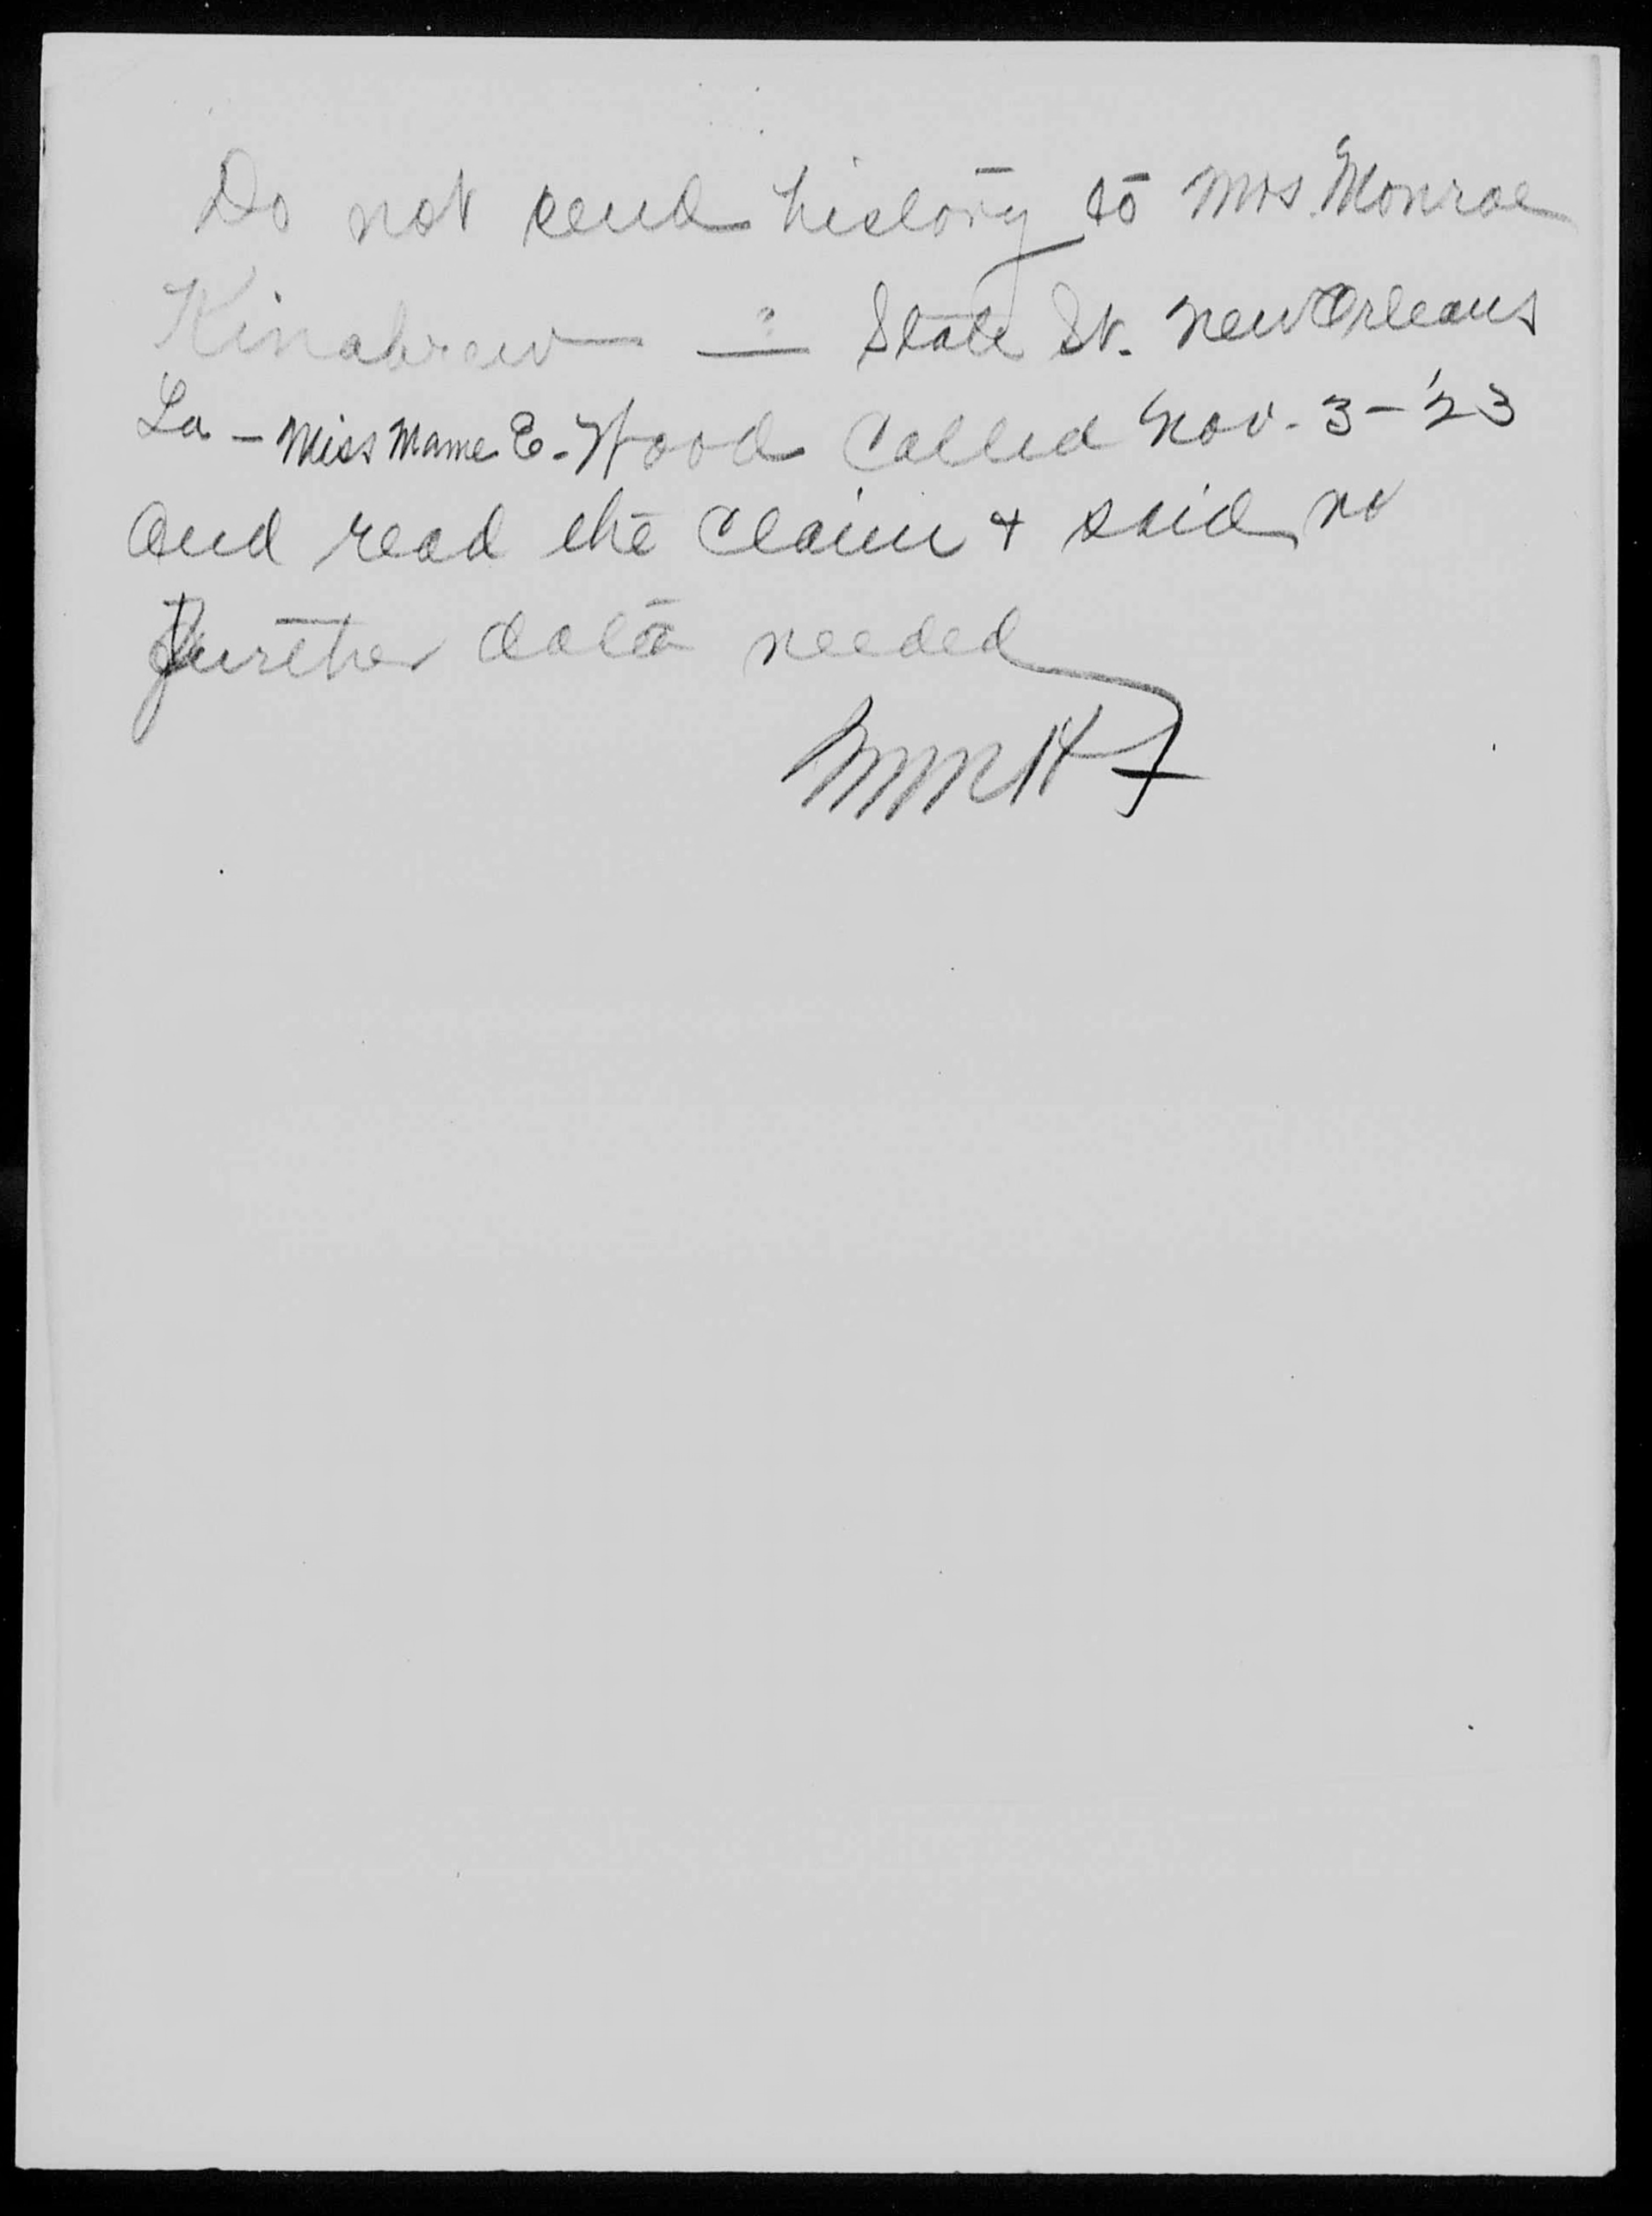Do not send history to Mrs. Monroe Kinabrew.   ?  State St. New Orleans La
Miss Mame E. Wood called Nov. 3 '23 and read the claim and said no further data needed
MMH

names: Mame E Wood, Monroe Kinabraw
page: 61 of 67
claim: rejected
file: R. 1009, Aaron Bonnel, New Jersey